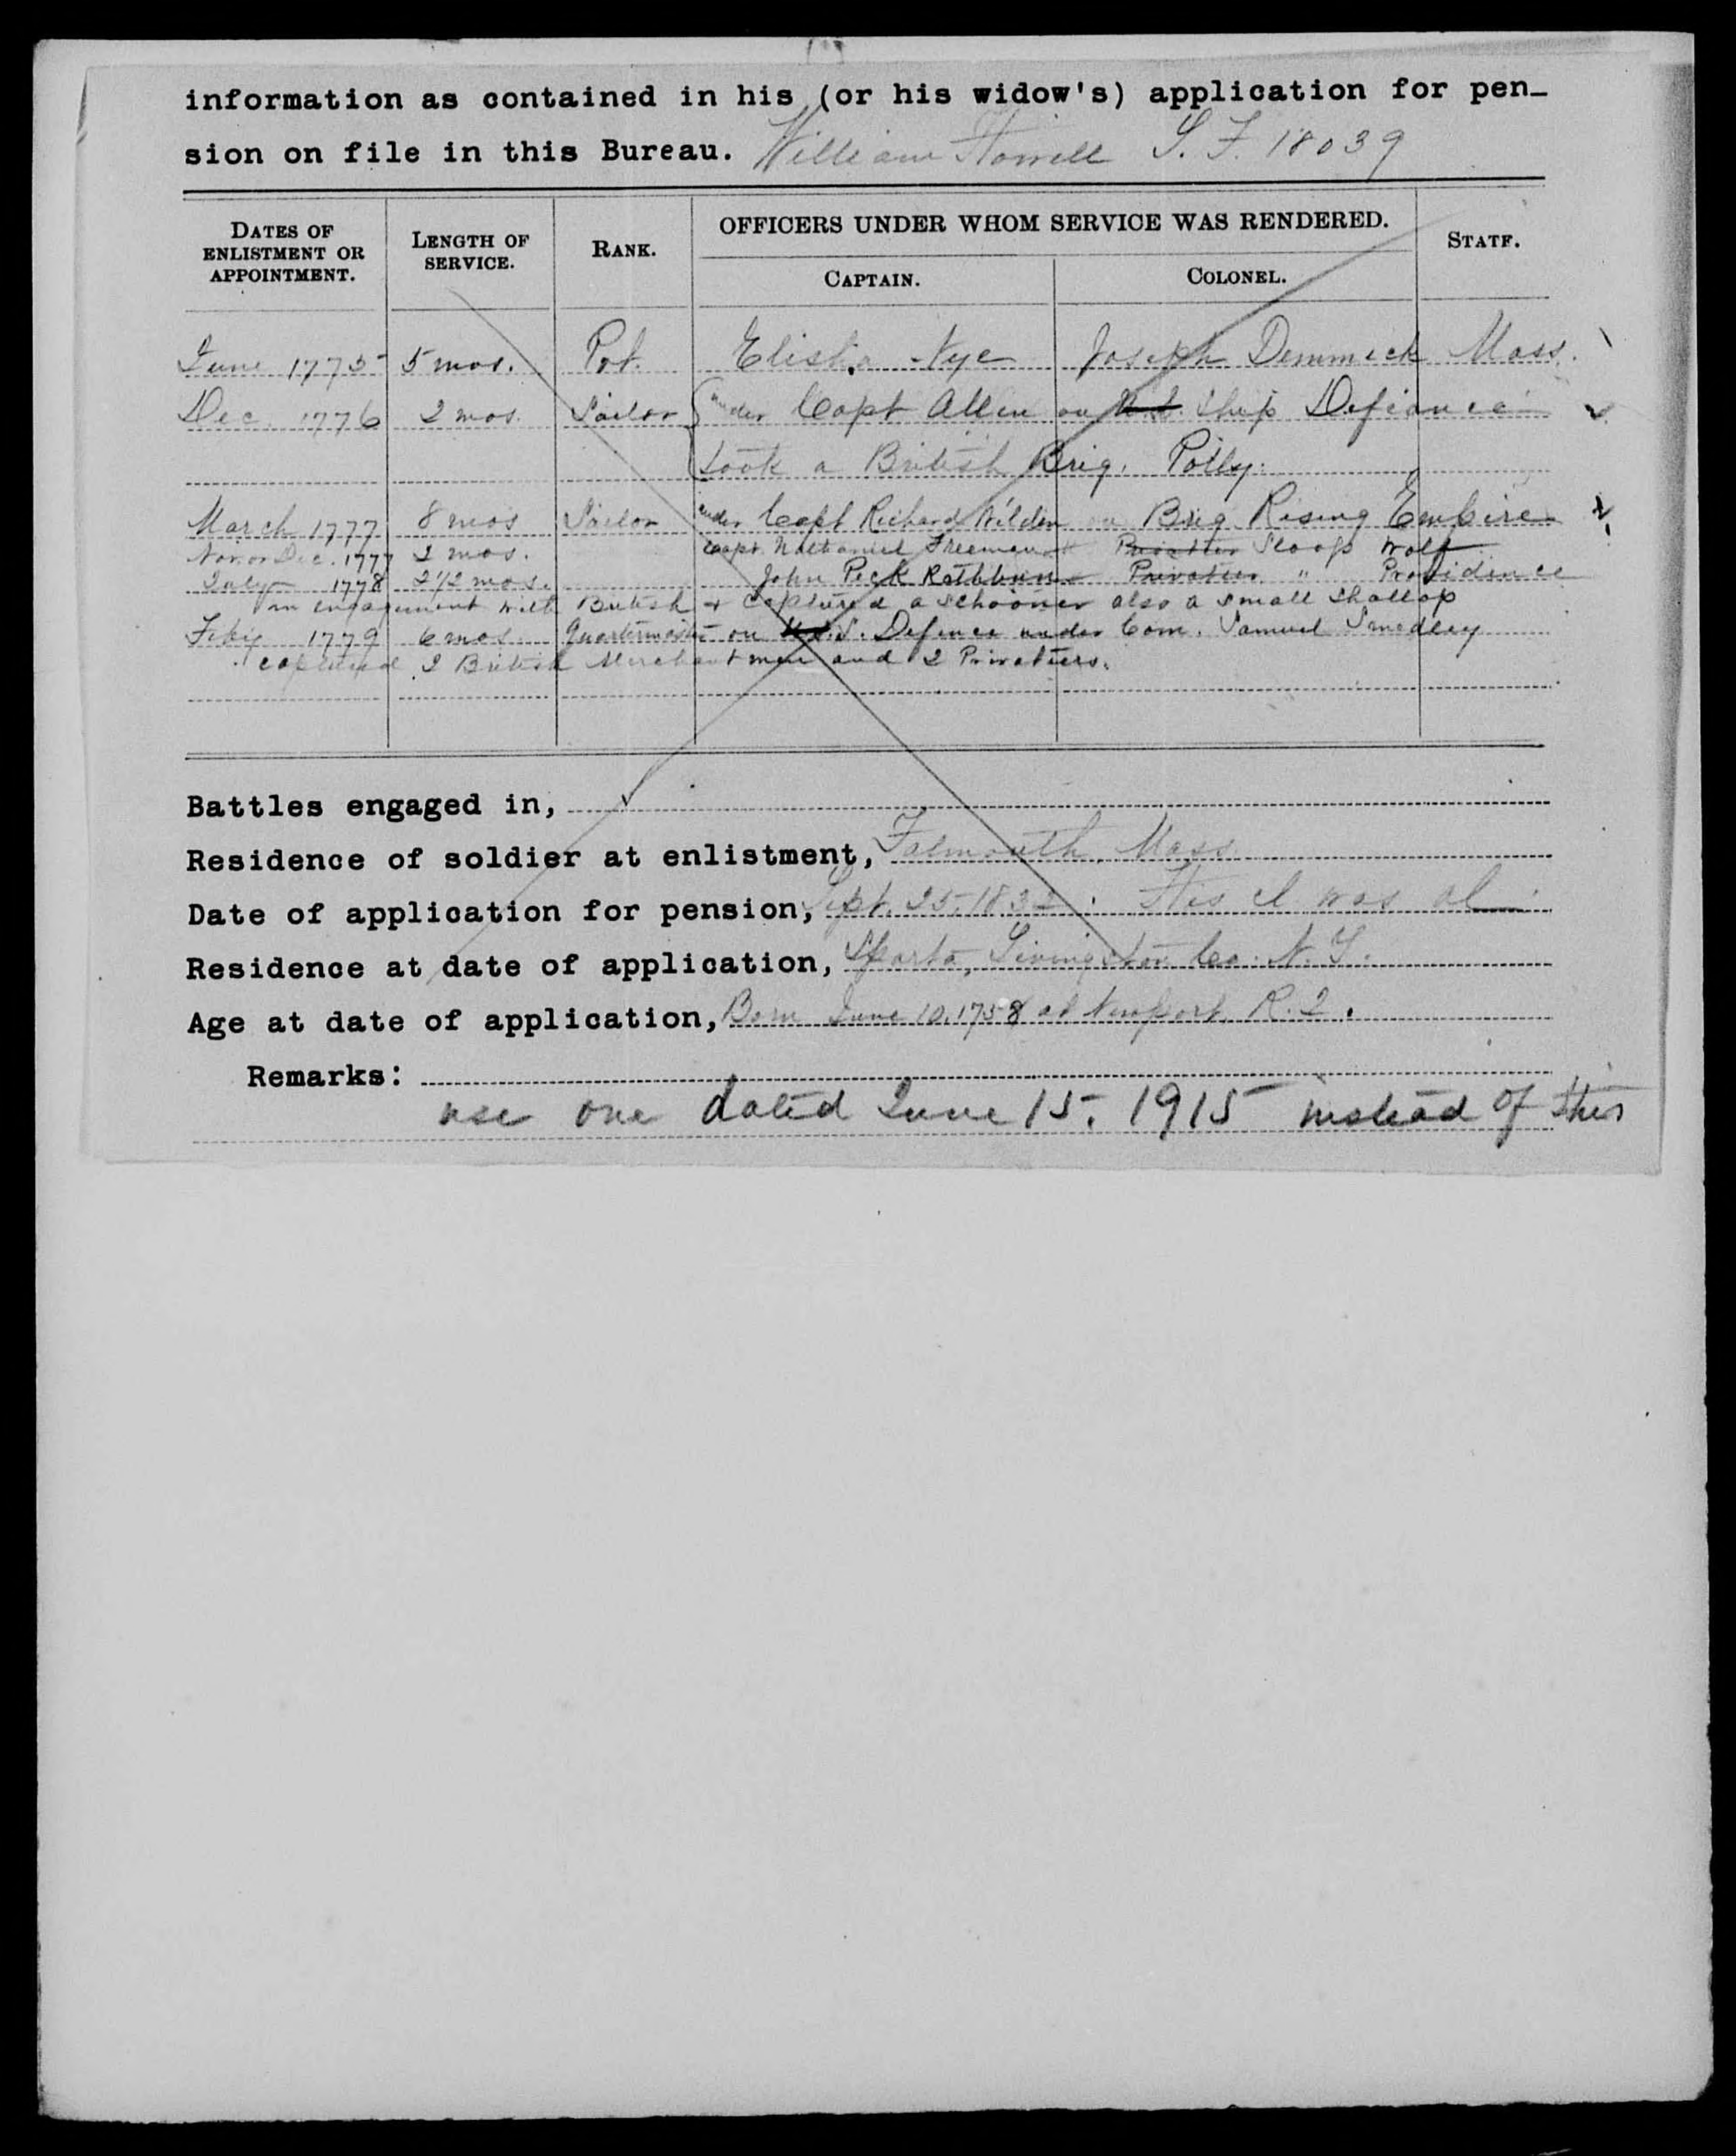information as contained in his (or his widow's) application for pension on file in this Bureau. 
William Homer  I.F. 18039

Dates of Enlistment or Appointment
Nov or Dec. 1777
June 1775
Dec 1776
March 1777 
Nov or Dec 1777
July 1778
Feby 1779

Length of Service. 
5 mos.
3 mos.
8 mos.
2 mos
2 1/2 mos.
6 mos.
3 mos. 

Rank
Pvt.
Tailor

Officers Under Whom Service was Rendered (Both Captain and Colonel)
Captain
Elisha Nye
Under Capt Allen on Ship Defiance took a British Brig. \
Under Capt Richard Wilden
Capt Nathaniel Freeman
John Peck Rathburn
In engagement with British & capture& a schooner, also a small Shallop
Quartermaster on Defiance under Com. Samuel Sanedley
3 British Merchant men and 2 Pirateers

Colonel
Joseph Demmack
Polly
Brig Rising Empire
Sloop Wolf
Sloop Providence

State. 
Mass.


Battles engage in, ____________________________
Residence of soldier at enlistment, Falmouth Mass
Date of application for pension, Sept 25, 1832His cl was al
Residence at date of application, Sparta, Livingston  les N.G.
Age at date of application, Born June 10, 1758 at Newport, R.I.

use one dated June 15, 1915 instead of this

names: John Peck Rathbun, Elisha Nye, William Howell, Richard Weldin, Allen, Samuel Smedley, Joseph Demmick, Nathaniel Freeman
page: 18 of 18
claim: survivor's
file: S. 18,039, William Howell, Conn. Sea Service Mass. And Mass. Sea Service Privateer